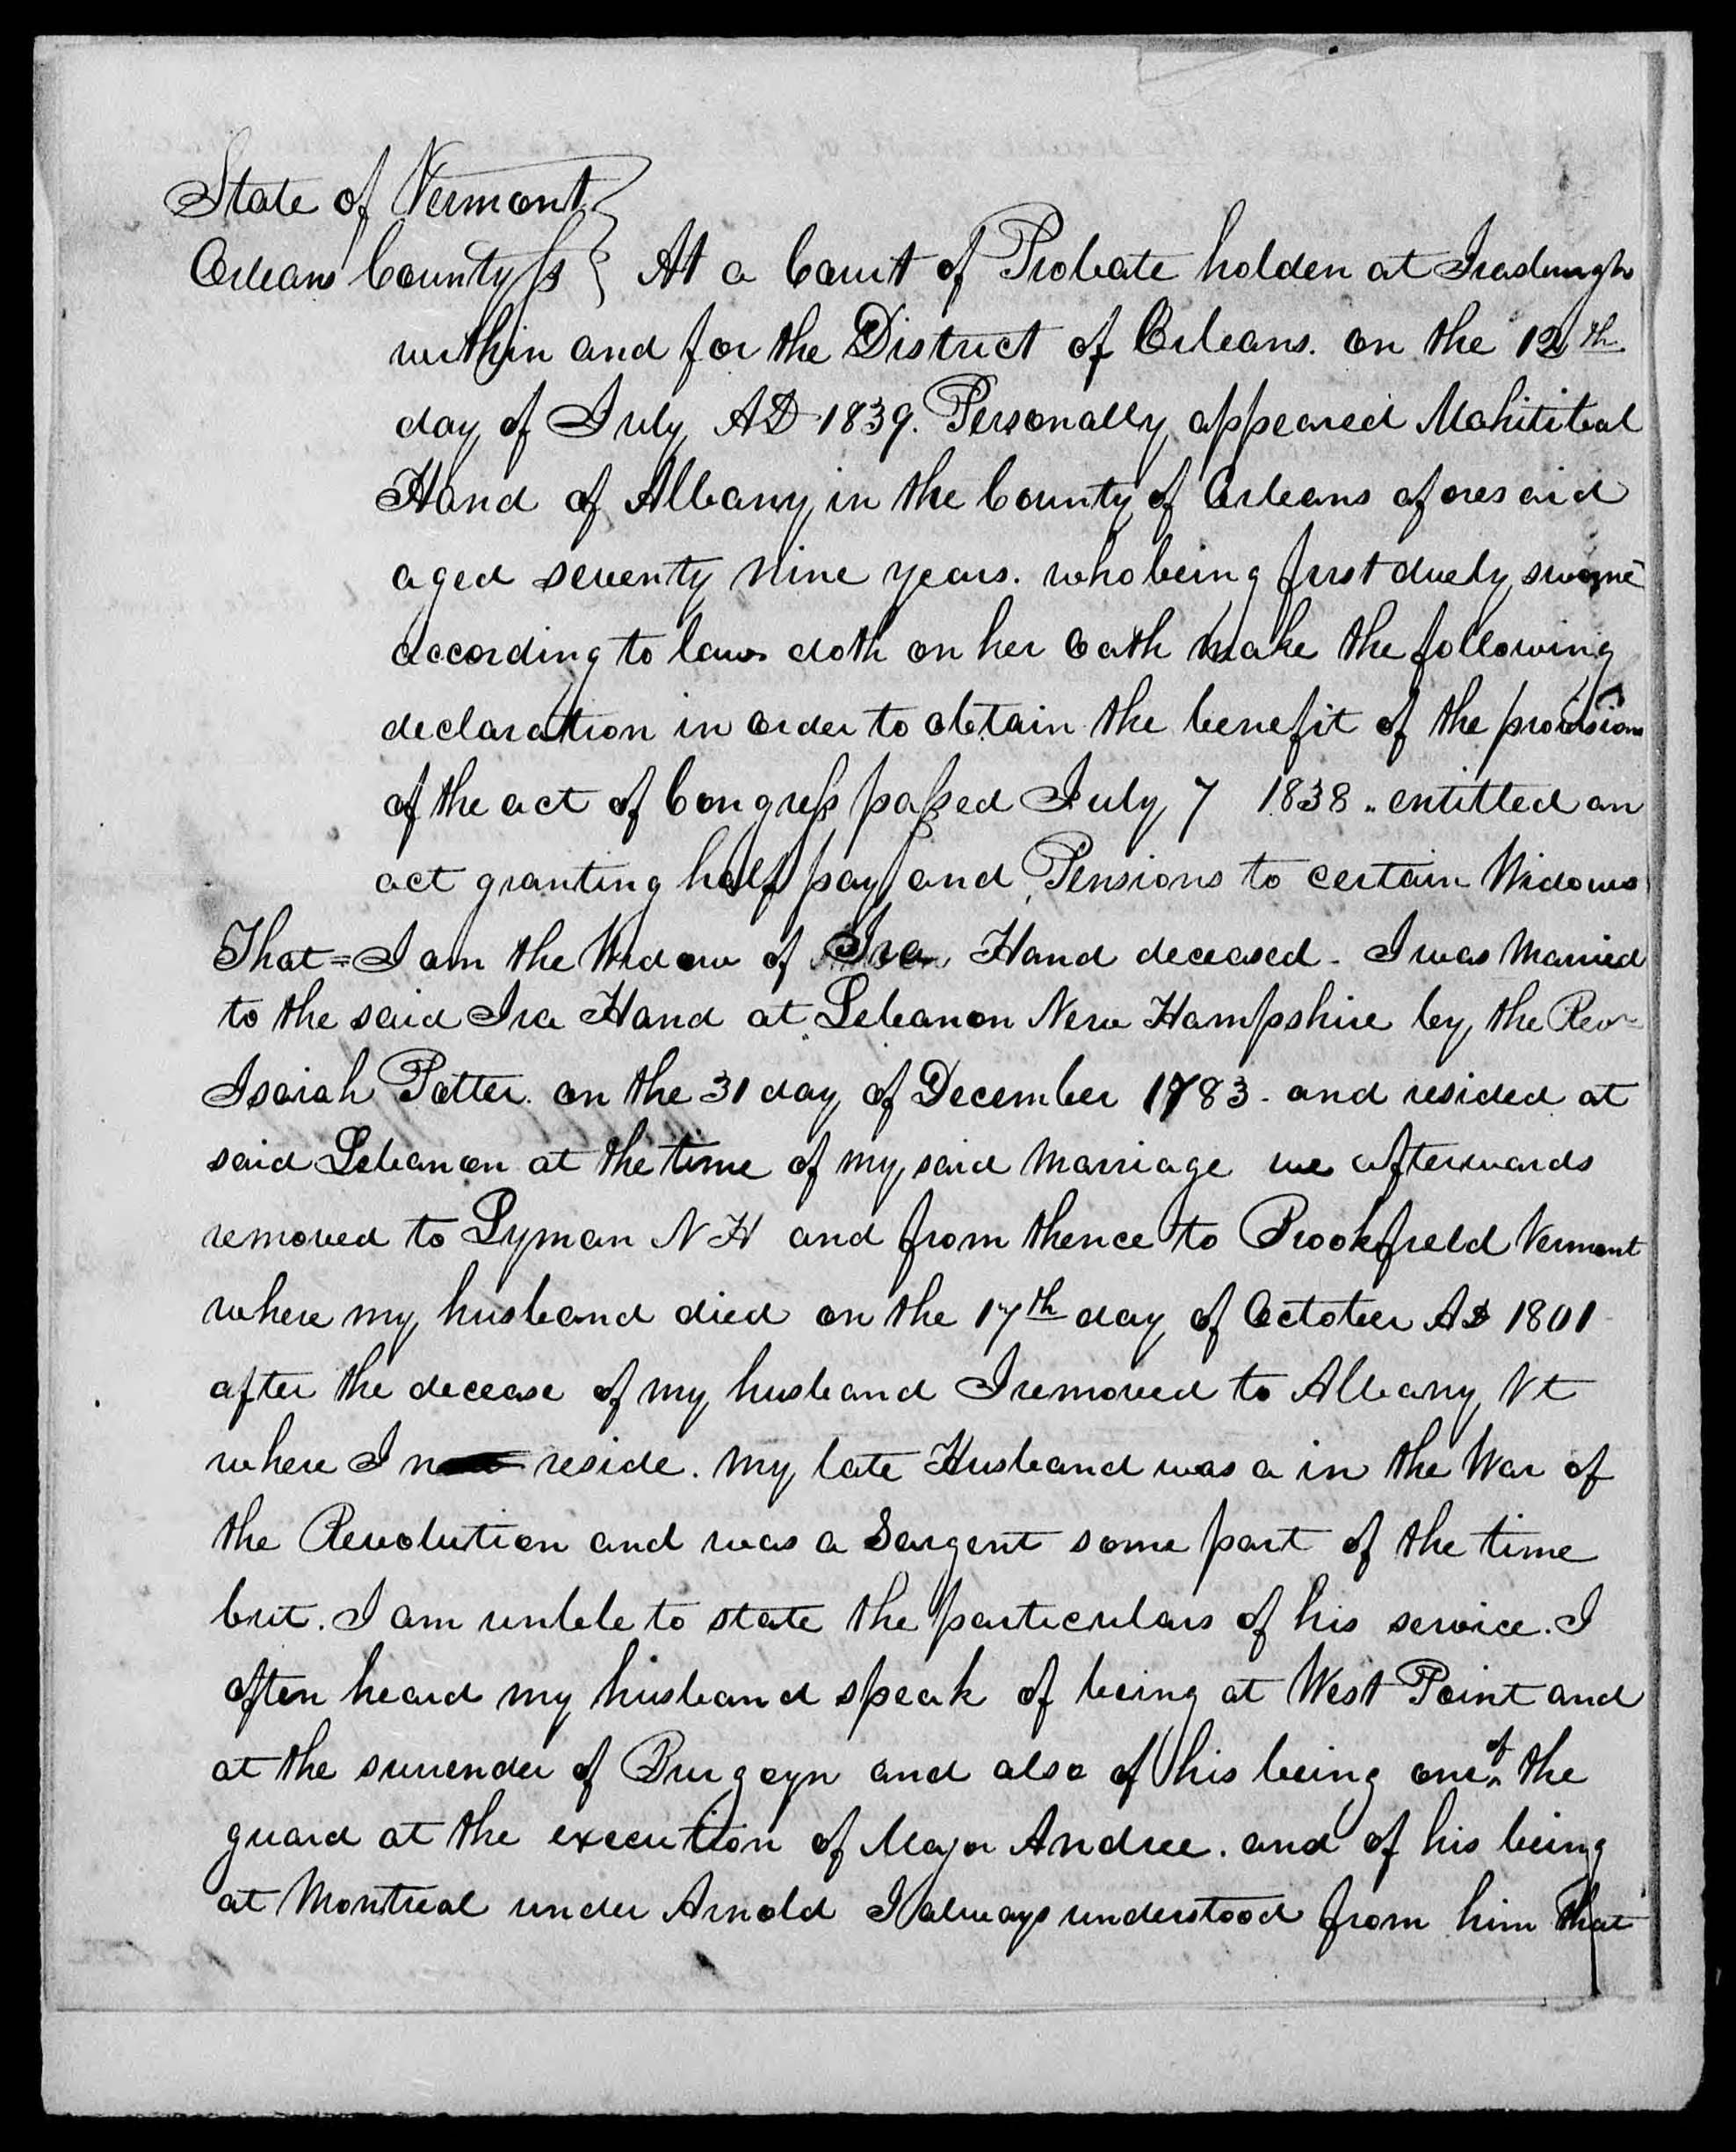State of Vermont
Orleans County Ss  At a Court of Probate holden at Irasburgh within and for the District of Orleans on the 12th day of July AD 1839. Personally appeared Mahitibal Hand of Albany in the County of Orleans aforesaid
aged seventy nine years, who being first duly sworn according to law doth on her oath make the following declaration in order to obtain the benefit of the provision of the act of Congress passed July 7 1838 entitled an act granting half pay and Pensions to certain Widows  That I am the widow of Ira Hand deceased. I was married 
to the said Ira Hand at Lebanon New Hampshire by the Rev Isaiah Potter on the 31 day of December 1783. and resided at
said Lebanon at the time of my said marriage we afterwards removed to Lyman N H and from thence to Brookfield Vermont where
my husband died on the 17th day of October AD 1801 after the decease of my husband I removed to Albany, Vt where I now reside. my late Husband was in the War of the Revolution and was a Sargent some part of the time
but I am unable to state the particulars of his service. I often heard my husband speak of being at West Point and at the surrender of Burgoyne and also of his being on the
guard at the execution of Major Andre. and of his being at Montreal under Arnold I always understood from him that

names: Arnold, Mahitibal Hand, Andree, Ira Hand, Ira Hand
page: 3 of 42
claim: widow's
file: W. 19,722, Ira Hand, N.H. Vt.